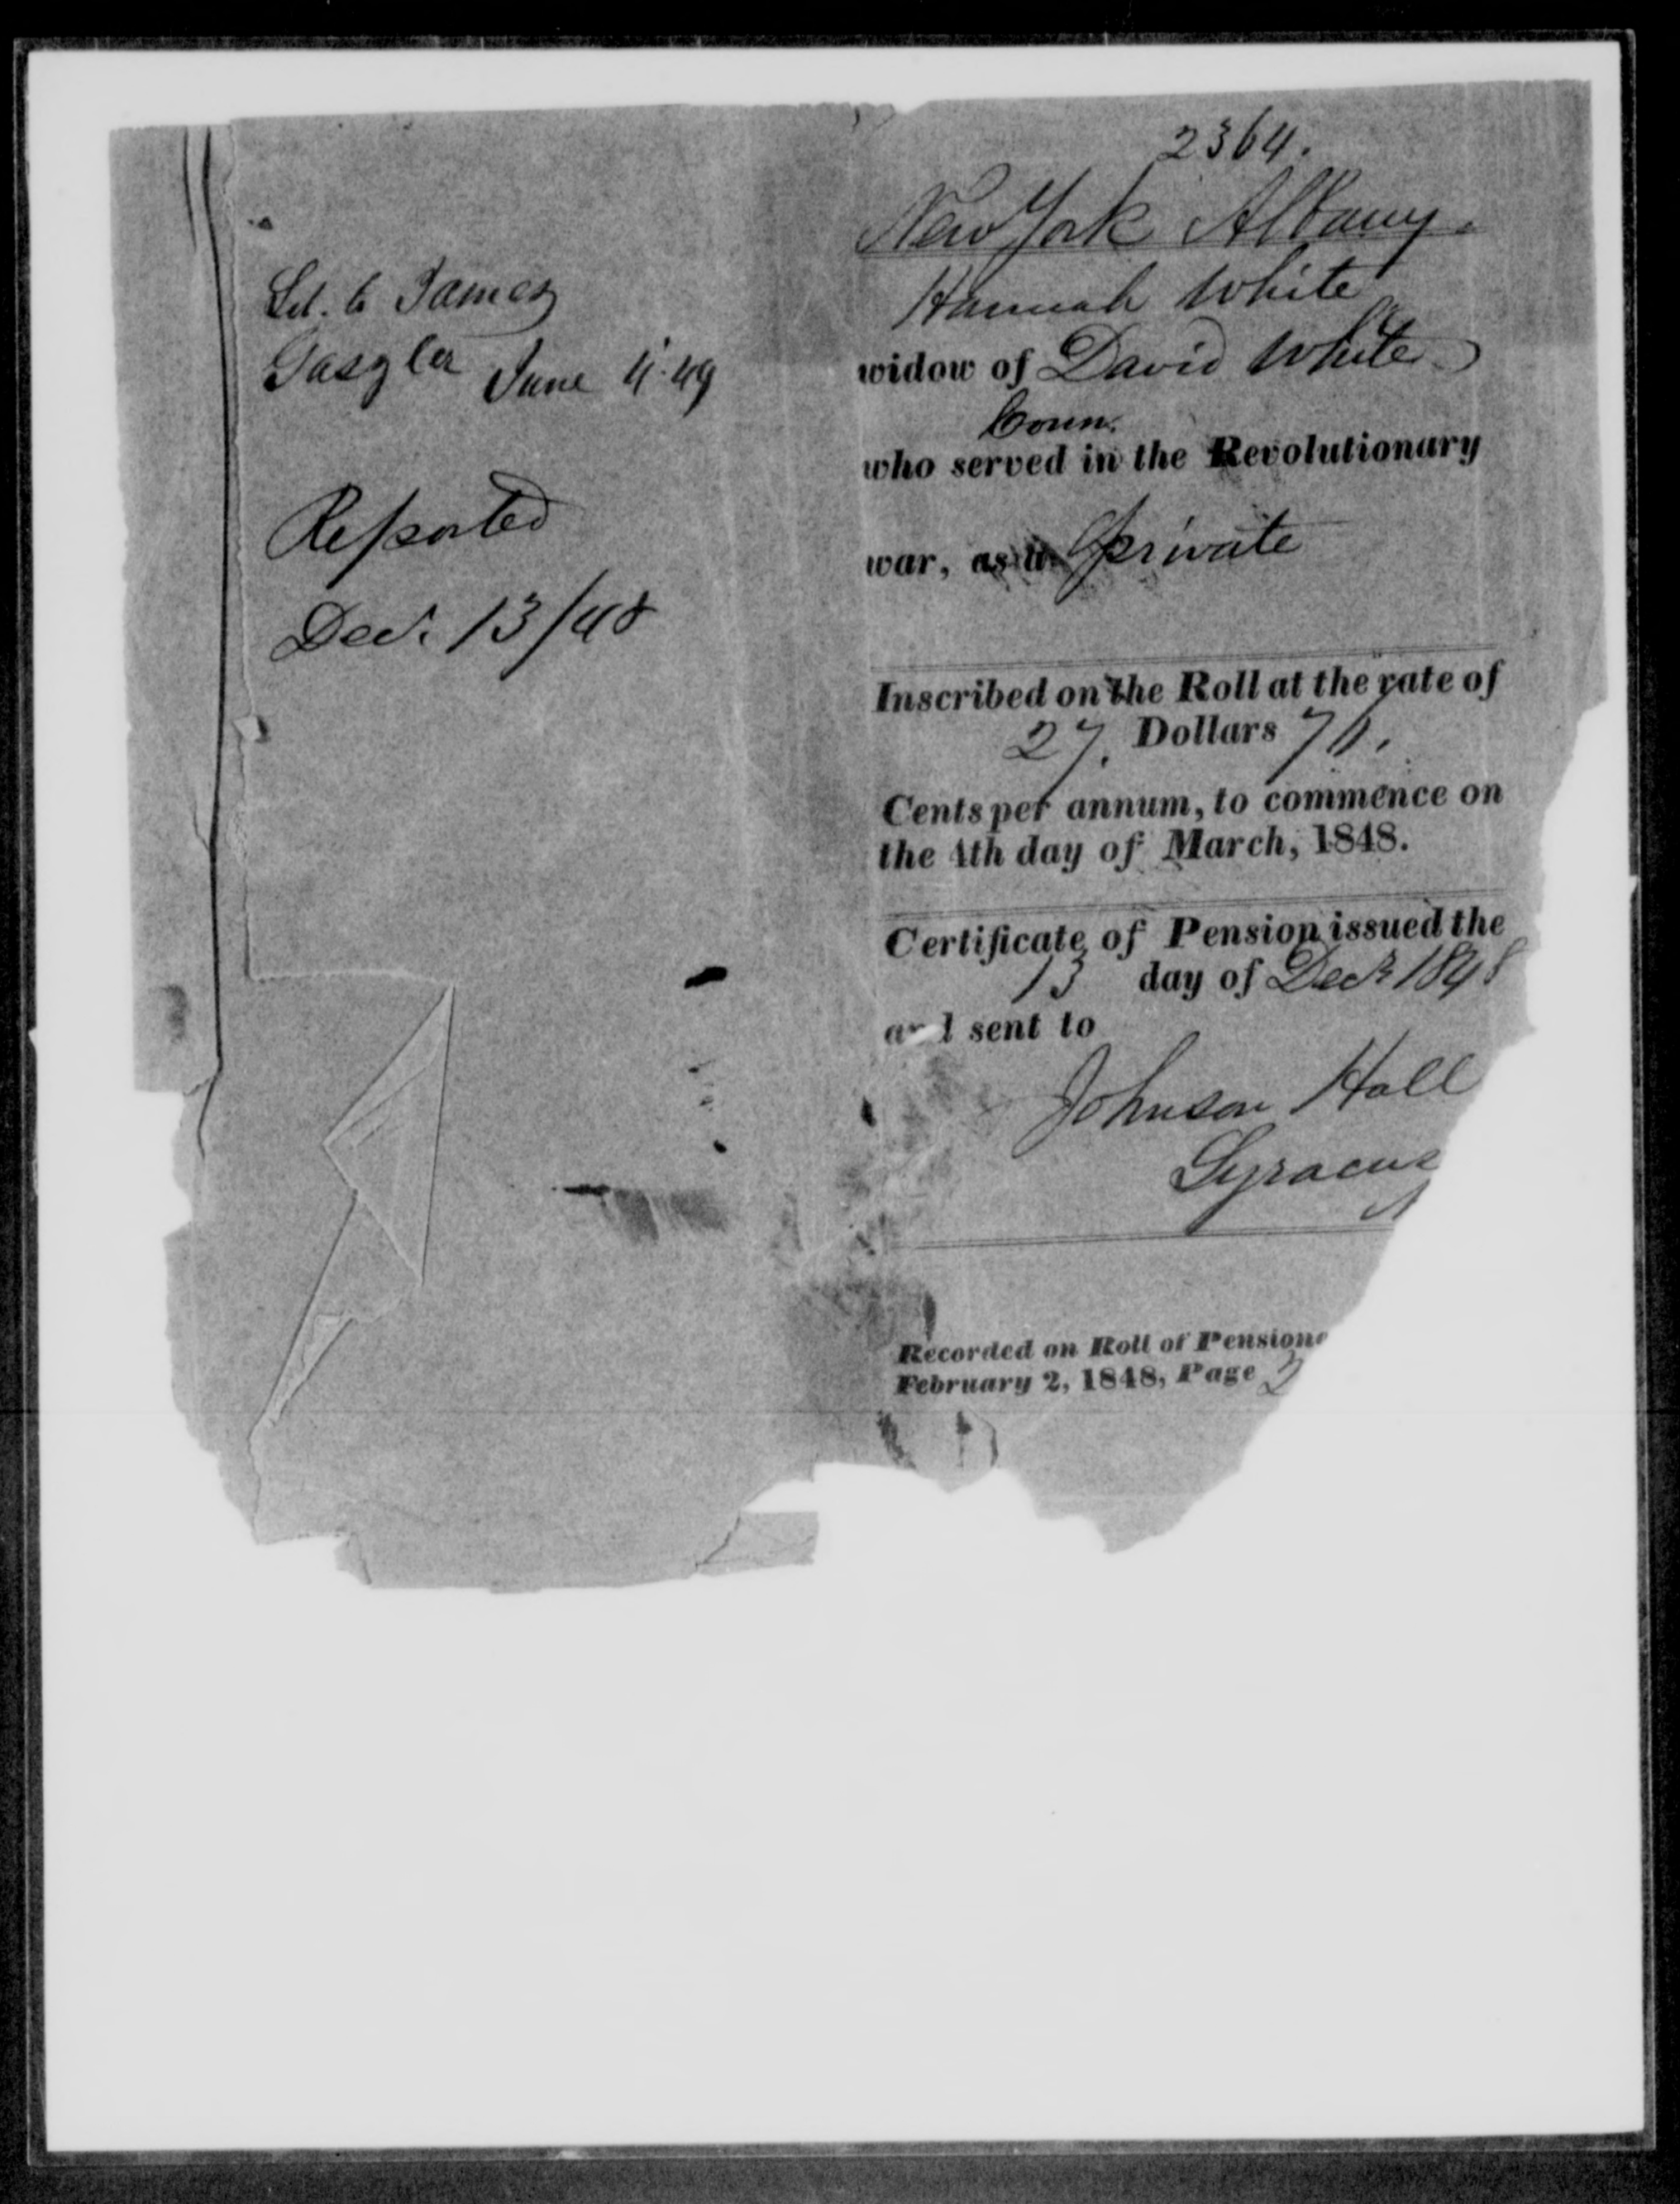Let. to James
Gaszler
June 4 '49

Reported Dec 13/48

2364.
New York Albany
Hannah White widow of David White [] who served in the Revolu
tionary war, as a private

Inscribed on the Roll at the rate of 27 Dollars 76 Cents per annum, to commence on the 4th day of March, 1848.

Certificate of Pension issued the 13 day of Dec 1848 as I sent to Johnson Hall, Syracuse, N[torn]

Recorded on Roll of Pensions
Febuary 2, 1848, Page 2[torn]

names: David White, Johnson Hall, Hannah White, James Gaszler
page: 10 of 63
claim: widow's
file: W. 18403, David White, Conn.